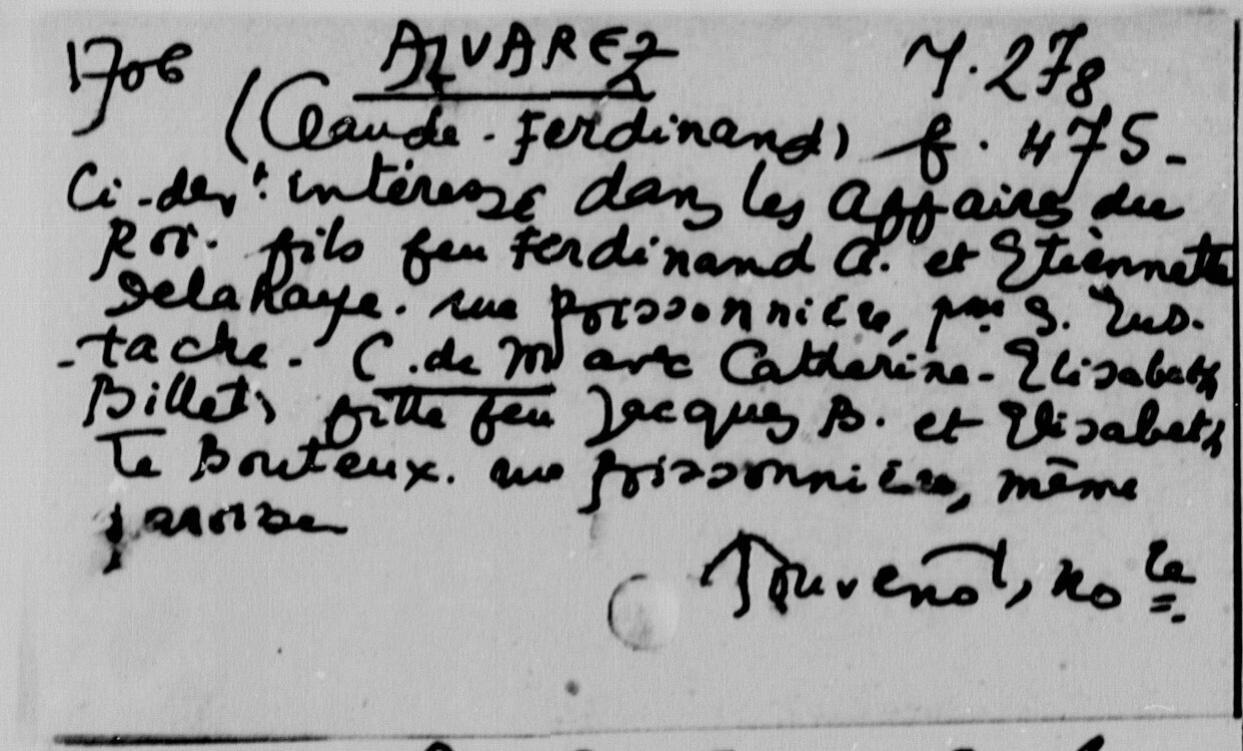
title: ALVAREZ (Claude-Ferdinand)
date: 1706
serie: Y
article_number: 278
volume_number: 475
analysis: Ci-devant intéressé dans les affaires du roi, fils feu Ferdinand ALVAREZ et Étiennette DELAHAYE, rue Poissonnière, paroisse Saint-Eustache. Contrat de mariage avec Catherine-Élisabeth BILLET, fille feu Jacques BILLET et Élisabeth LEBOUTEUX, rue Poissonnière, même paroisse. Touvenot, notaire.
